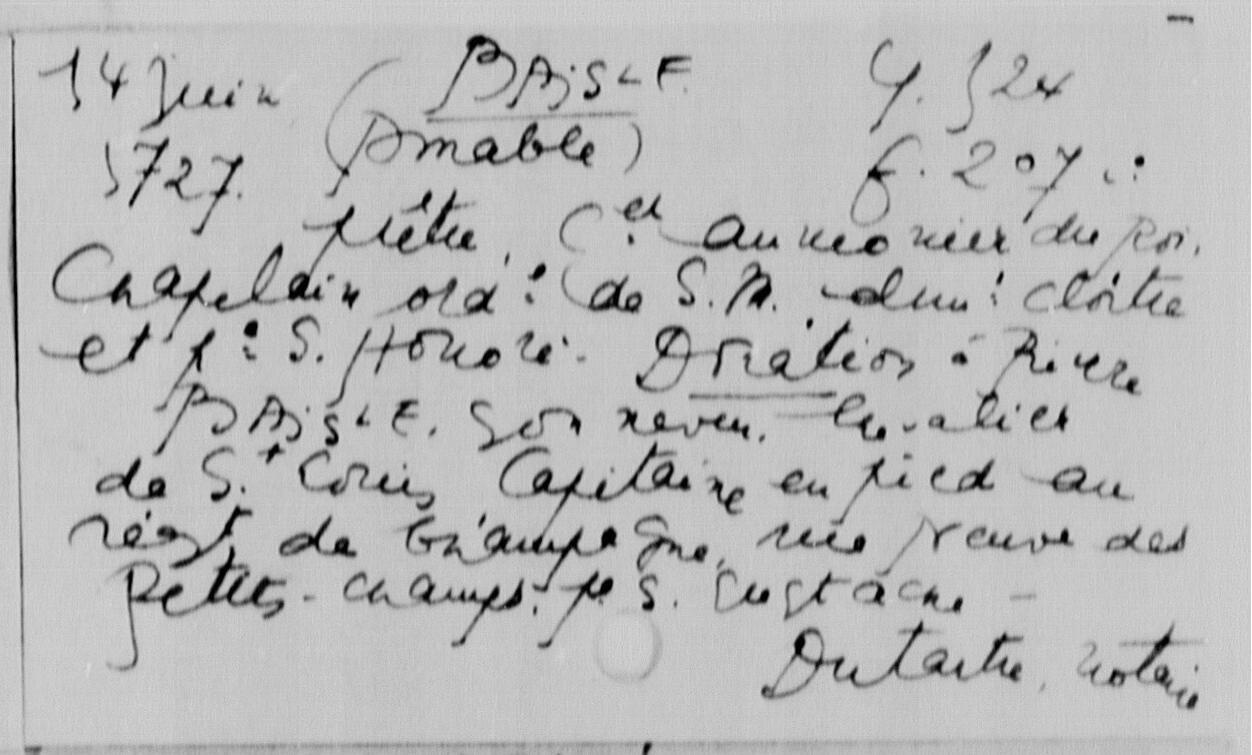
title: BAISLE (Amable)
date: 14 juin 1727
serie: Y
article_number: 324
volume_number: folio 207 verso
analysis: Prêtre, conseiller aumonier du roi, chapelain ordinaire de Sa Majesté, demeurant cloître et paroisse Saint Honoré Donation à Pierre BAISLE, son neveu. Chevalier de Saint-Louis, capitaine en pied au régiment de Champagne, rue Neuve des Petits-champs, paroisse Saint-Eustache Dutartre, notaire
